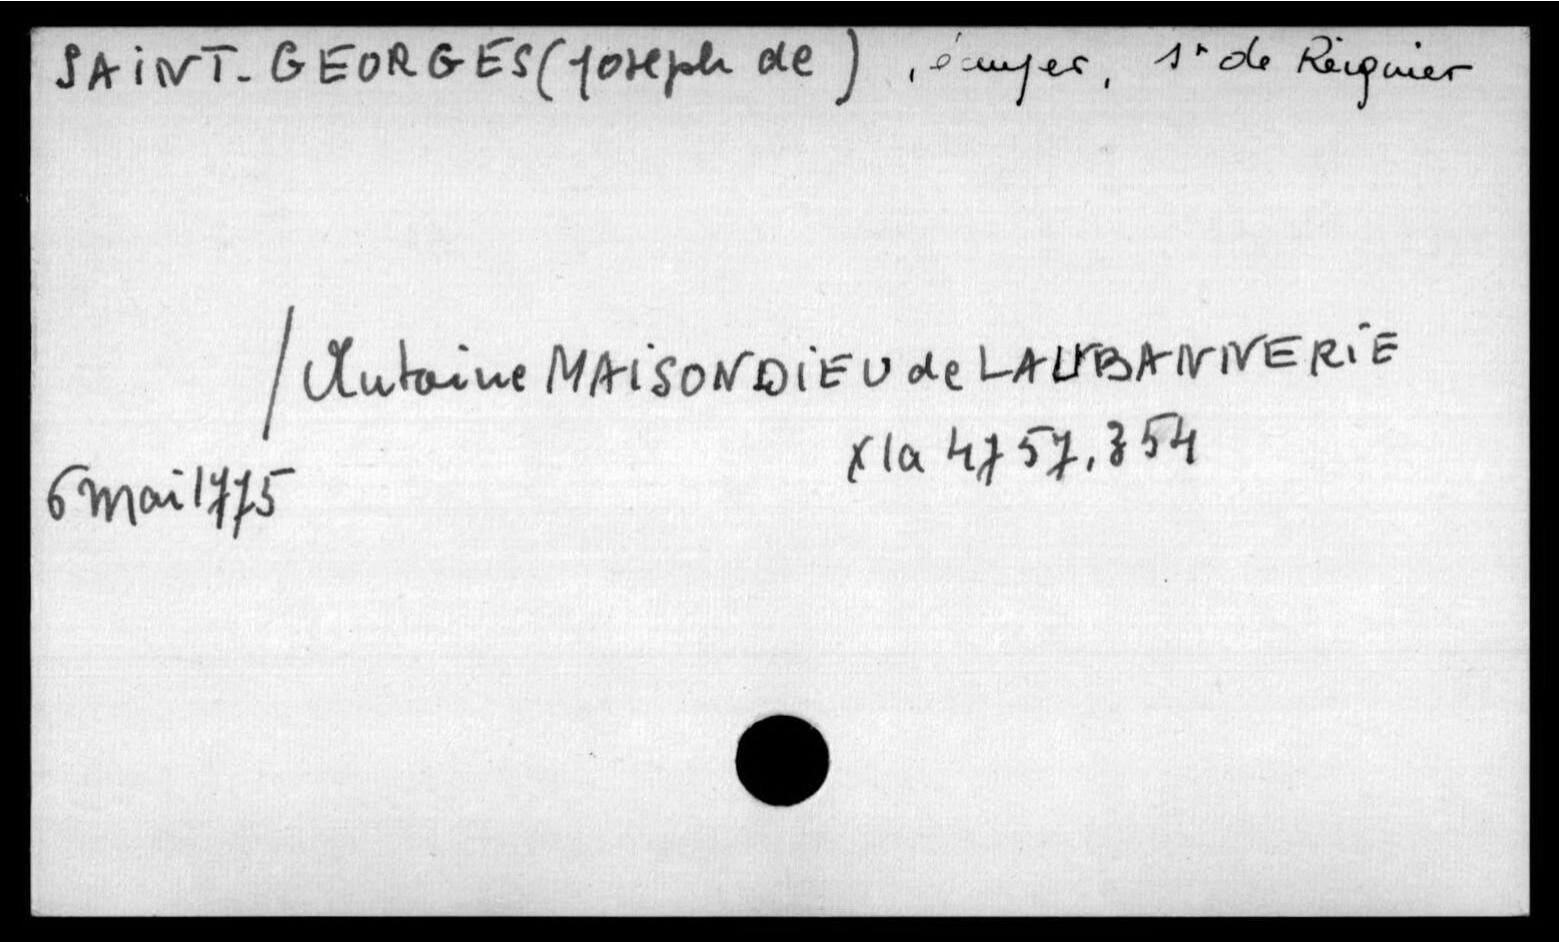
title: SAINT-GEORGES (Joseph de), écuyer, Seigneur de Reiquier
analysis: Contre Antoine MAISONDIEU de LAUBANNERIE
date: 6 mai 1775
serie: X1a
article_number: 4757
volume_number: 354
